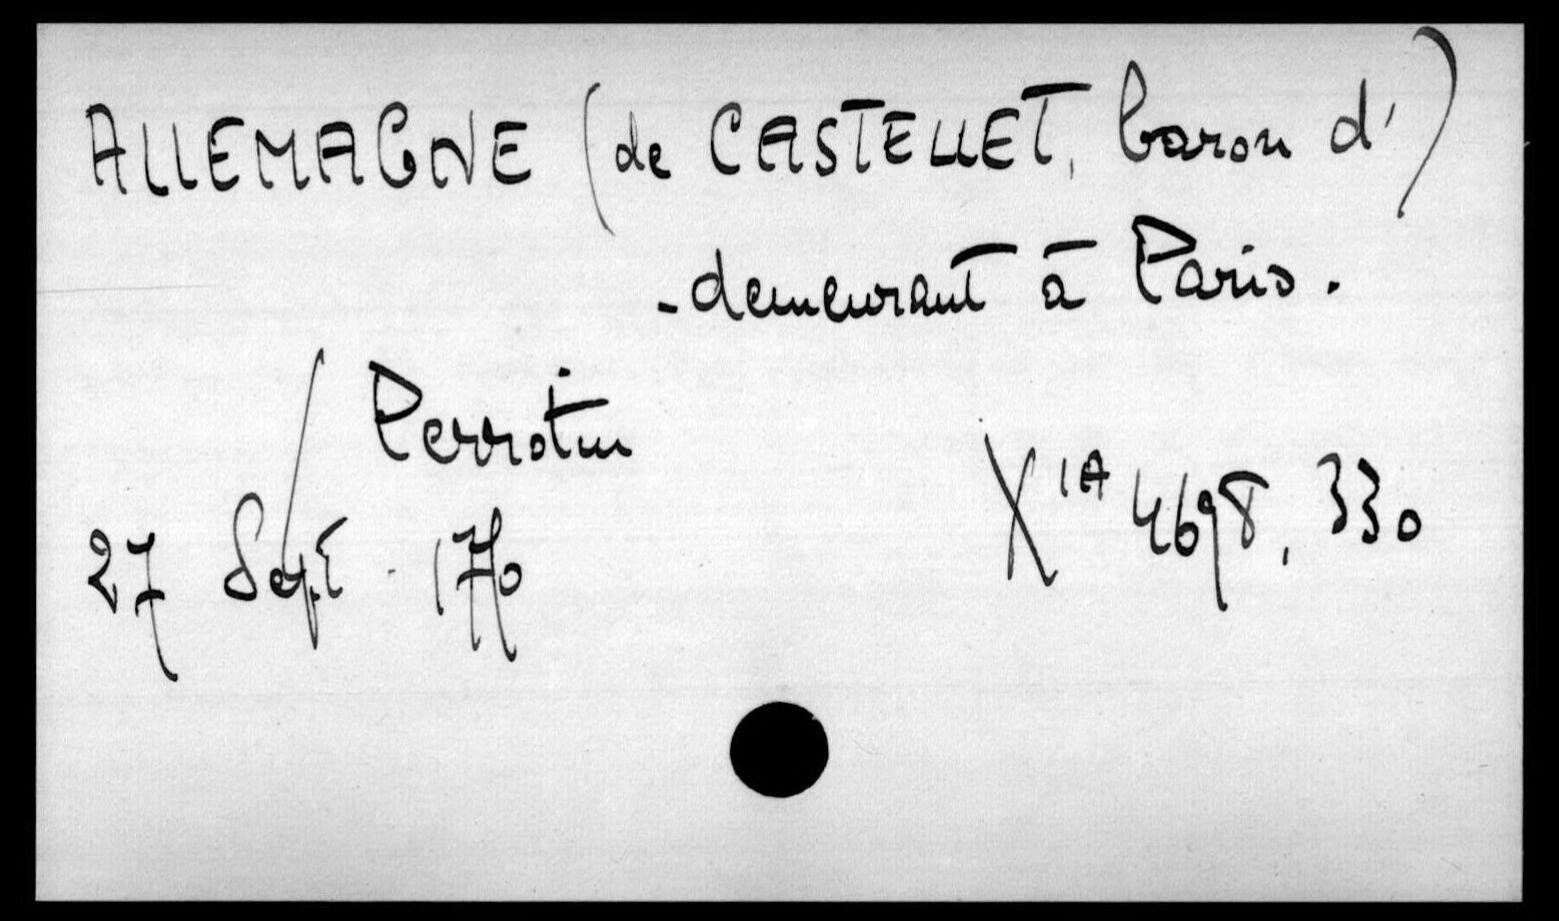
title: ALLEMAGNE (de CASTELLET, baron d') - demeurant à Paris.
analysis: Contre Perrotin
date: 27 septembre 1770
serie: X1A
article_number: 4698
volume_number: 330
